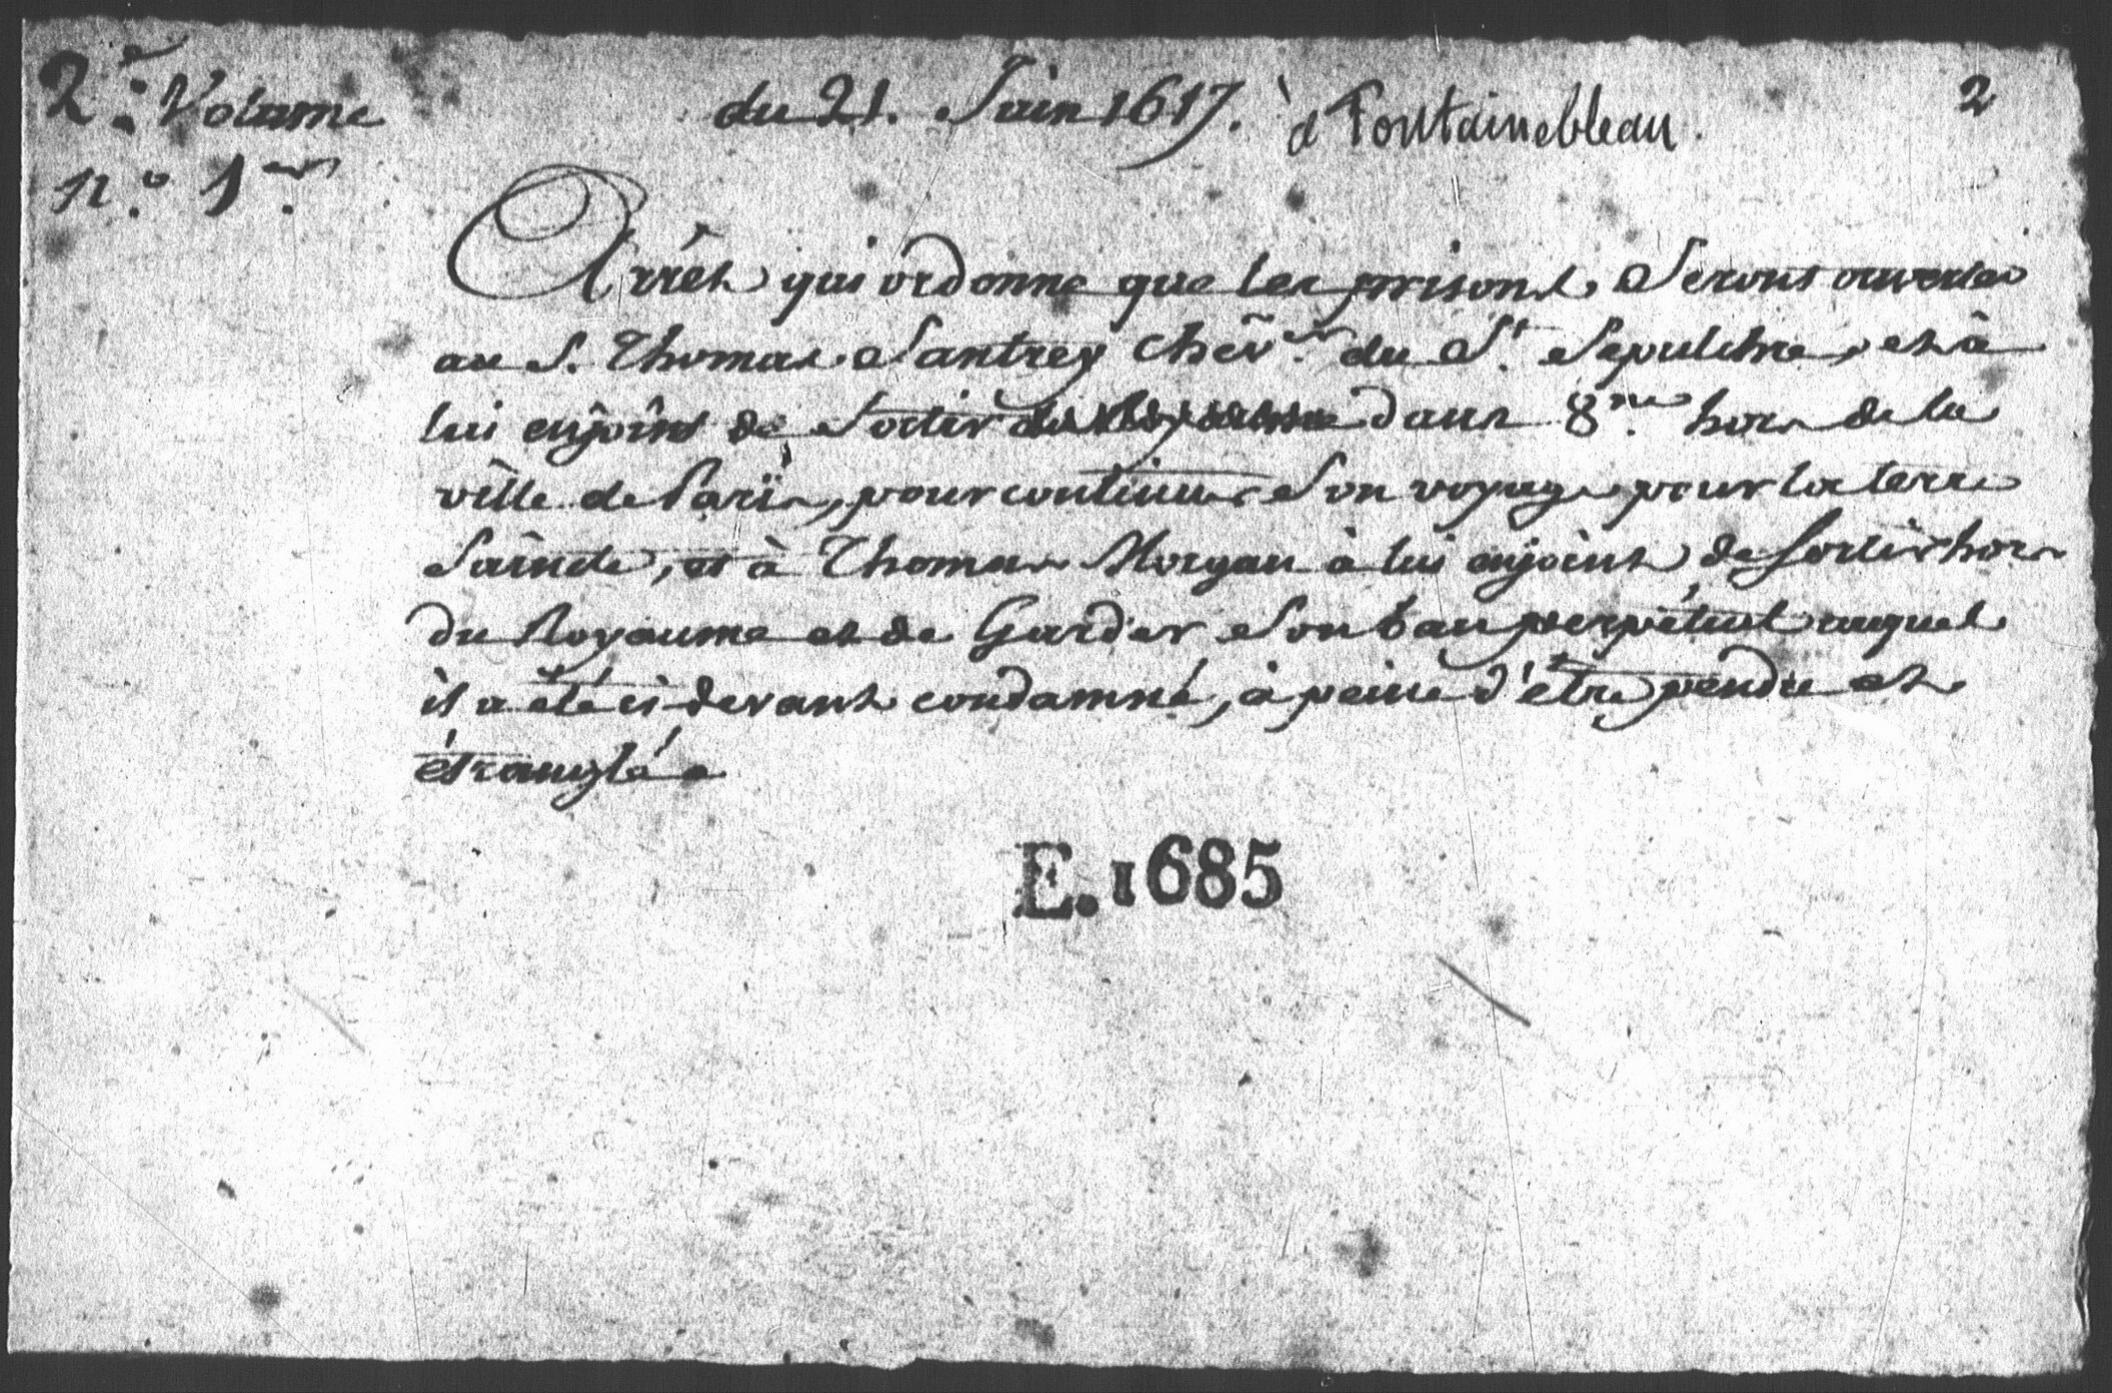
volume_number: n°1er
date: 21 juin 1617
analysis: à Fontainebleau 2
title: Arrêt qui ordonne que les prisons seront ouvertes au S. Thomas Santrey chev.er du St. Sepulchre, et à lui enjoînt de sortir [du Royaume, barré] dans 8ne hors de la ville de Paris, pour continuer son voyage pour la terre Saincte, et à Thomas Morgan à lui enjoint de sortir hors du Royaume et de Garder son ban perpétuel auquel il a été ci-devant condamné, à peine d'être pendu et étranglé.
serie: E
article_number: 1685
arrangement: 2e volume
